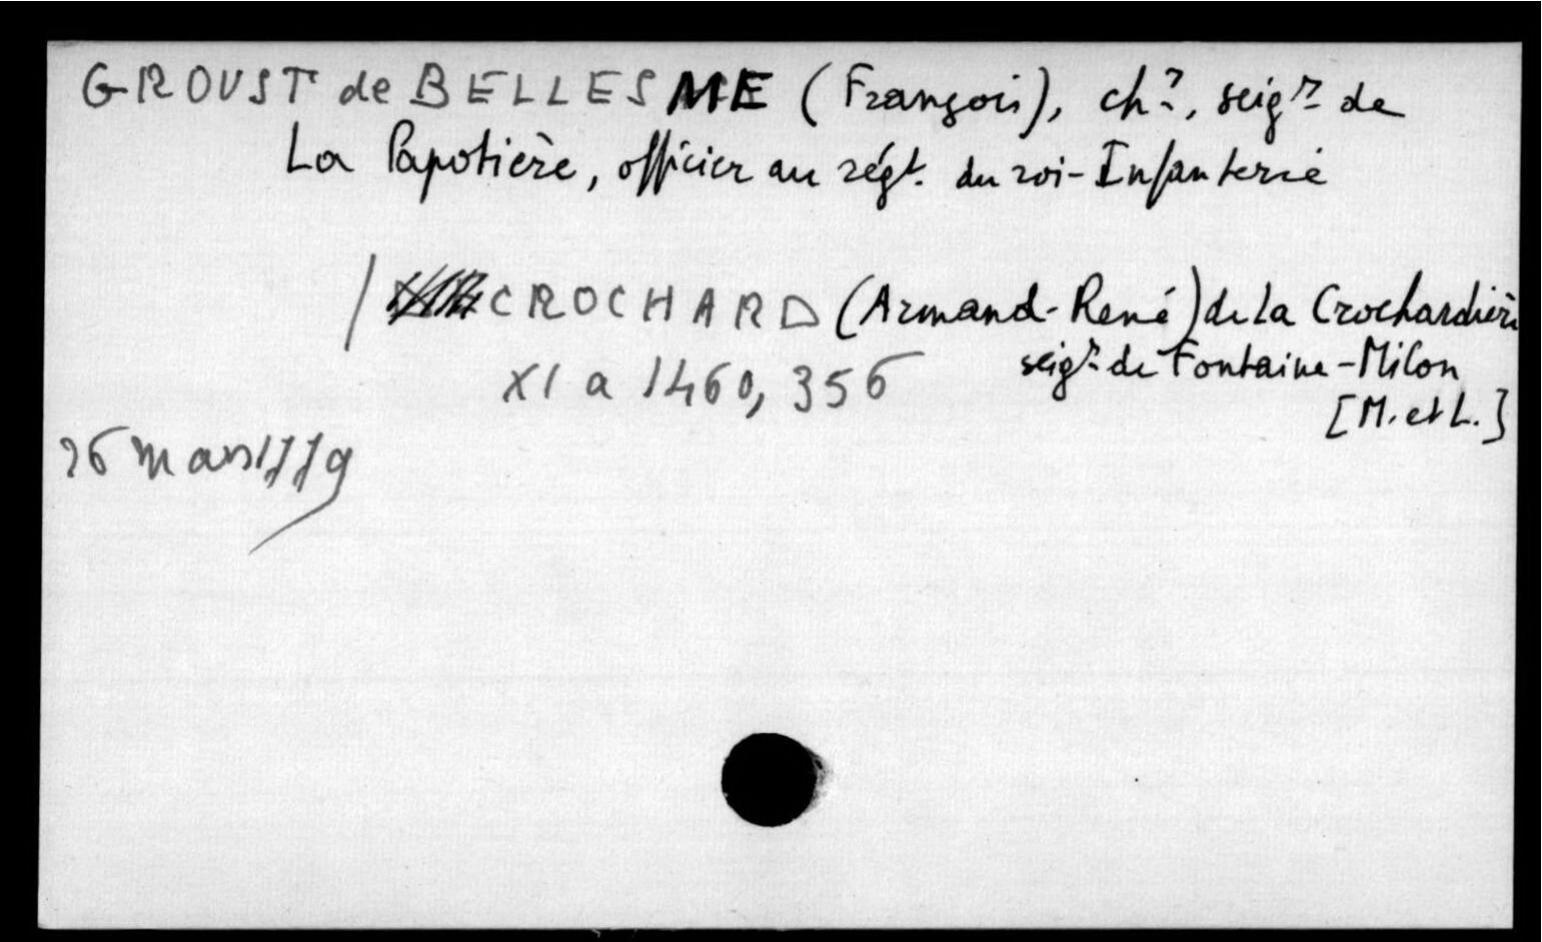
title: GROUST de BELLESME (François), chevalier, seigneur de La Lapotière, officier au régiment du roi-infanterie
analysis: Contre CROCHARD (Armand-René) de la Crochardière, seigneur de Fontaine-Milon [Maine-et-Loire]
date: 26 mars 1779
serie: X1a
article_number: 1460
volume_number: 356
